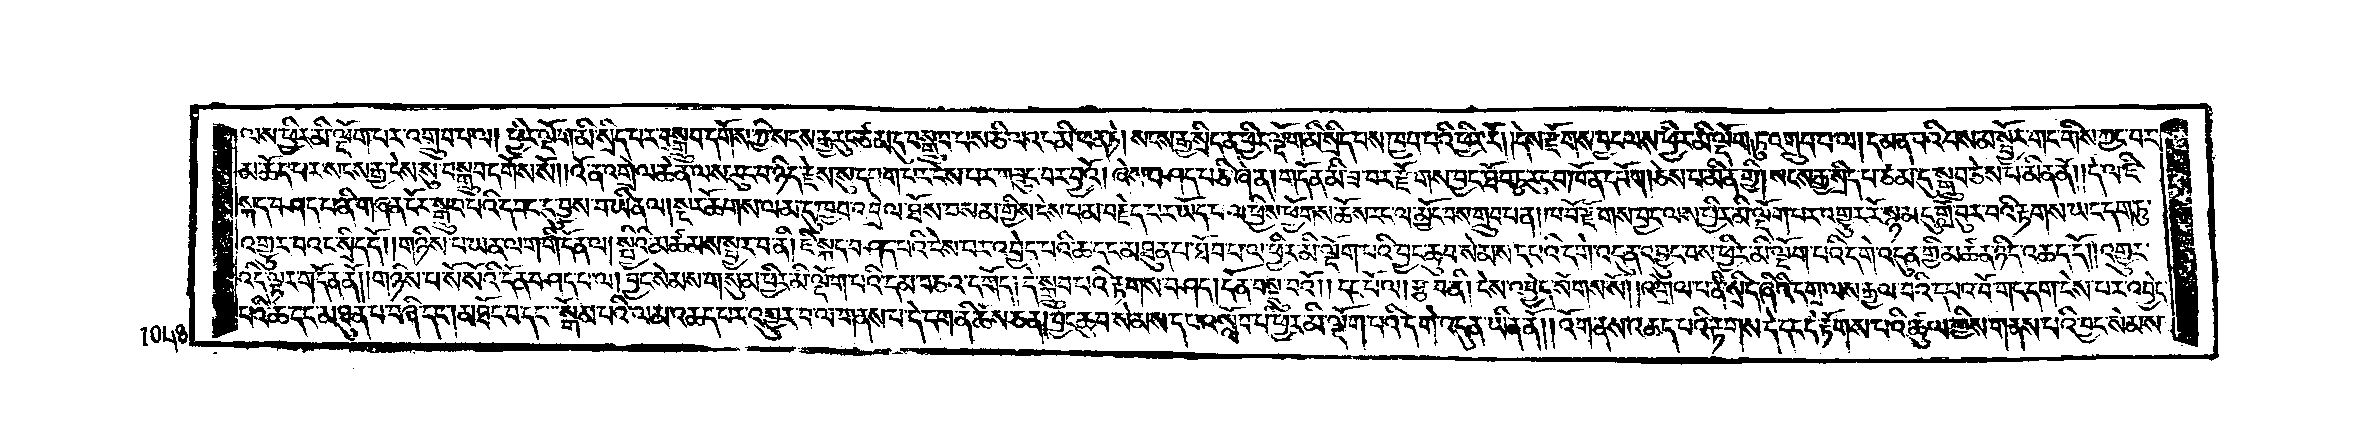ལས་ཕྱིར་མི་ལྡོག་པར་འགྲུབ་པ་ལ། ཕྱིར་ལྡོག་མི་སྲིད་པར་བསྒྲུབ་དགོས་ཀྱི་སངས་རྒྱས་རུང་ཙམ་དུ་བསྒྲུབ་པས་ཅི་ལའང་མི་ཕན་ཏེ། སངས་རྒྱས་སྲིད་ན་ཕྱིར་ལྡོག་མི་སྲིད་པས་ཁྱབ་པའི་ཕྱིར་རོ། །དེས་རྫོགས་བྱང་ལས་ཕྱིར་མི་ལྡོག་ཏུ་འགྲུབ་པ་ལ། དམན་པའི་བསམ་སྦྱོར་གང་གིས་ཀྱང་བར་
མ་ཆོད་པར་སངས་རྒྱ་ངེས་སུ་བསྒྲུབ་དགོས་སོ། །འོ་ན་འགྲེལ་ཆེན་ལས་རུང་བ་ཉིད་རྗེས་སུ་དཔག་པར་ངེས་པར་གཟུང་བར་བྱའོ། ཞེས་བཤད་པ་ཅི་ཞེ་ན། གདོན་མི་ཟ་བར་རྫོགས་བྱང་ཐོབ་ཏུ་རུང་བ་ཁོ་ན་དཔོག །ཅེས་པ་མིན་གྱི། སངས་རྒྱས་སྲིད་པ་ཙམ་དུ་སྒྲུབ་ཅེས་པ་མིན་ནོ། །དེ་ལ་ཇི་
སྐད་བཤད་པ་ནི་གཞན་ངོར་སྒྲུབ་པའི་དབང་དུ་བྱས་པ་ཡིན་ལ། སྔར་ཚོགས་ལམ་དུ་ཁྱབ་འབྲེལ་ཐོས་བསམ་གྱིས་ངེས་པ་མ་བརྗེད་པར་ཡོད་པ་ལ་ཕྱིས་ཕྱོགས་ཆོས་རང་ལ་མྱོང་བས་གྲུབ་པ་ན། ཁོ་བོ་རྫོགས་བྱང་ལས་ཕྱིར་མི་ལྡོག་པར་འགྱུར་རོ་སྙམ་དུ་གློ་བུར་བའི་རྟགས་ཡང་དག་ཏུ་
འགྱུར་བའང་སྲིད་དོ། །གཉིས་པ་ཡན་ལག་གི་དོན་ལ། སྤྱིའི་མཚམས་སྦྱར་བ་ནི། ཇི་སྐད་བཤད་པའི་ངེས་པར་འབྱེད་པའི་ཆ་དང་མཐུན་པ་ཐོབ་པ་ལ་ཕྱིར་མི་ལྡོག་པའི་བྱང་ཆུབ་སེམས་དཔའི་དགེ་འདུན་འབྱུང་བས་ཕྱིར་མི་ལྡོག་པའི་དགེ་འདུན་གྱི་མཚན་ཉིད་འཆད་དོ། །འགྱུར་
འདི་ལྟར་གདོན་ནོ། །གཉིས་པ་སོ་སོའི་དོན་བཤད་པ་ལ། བྱང་སེམས་གསུམ་ཕྱིར་མི་ལྡོག་པའི་དམ་བཅའ་དགོད། དེ་སྒྲུབ་པའི་རྟགས་བཤད། དོན་བསྡུ་བའོ། །དང་པོ་ལ། རྩ་བ་ནི། ངེས་འབྱེད་སོགས་སོ། །འགྲེལ་པ་ནི་སྲིད་ཞིའི་དགྲ་ལས་རྒྱལ་བའི་དཔའ་བོ་གང་དག་ངེས་པར་འབྱེད་
པའི་ཆ་དང་མཐུན་པ་བཞི་དང་། མཐོང་བ་དང་སྒོམ་པའི་ལམ་འཆད་པར་འགྱུར་བ་ལ་གནས་པ་དེ་དག་ནི་ཆོས་ཅན། བྱང་ཆུབ་སེམས་དཔའ་སློབ་པ་ཕྱིར་མི་ལྡོག་པའི་དགེ་འདུན་ཡིན་ནོ། །འོག་ནས་འཆད་པའི་རྟགས་དེ་དང་དེ་རྟོགས་པའི་ཚུལ་གྱིས་གནས་པའི་བྱང་སེམས་